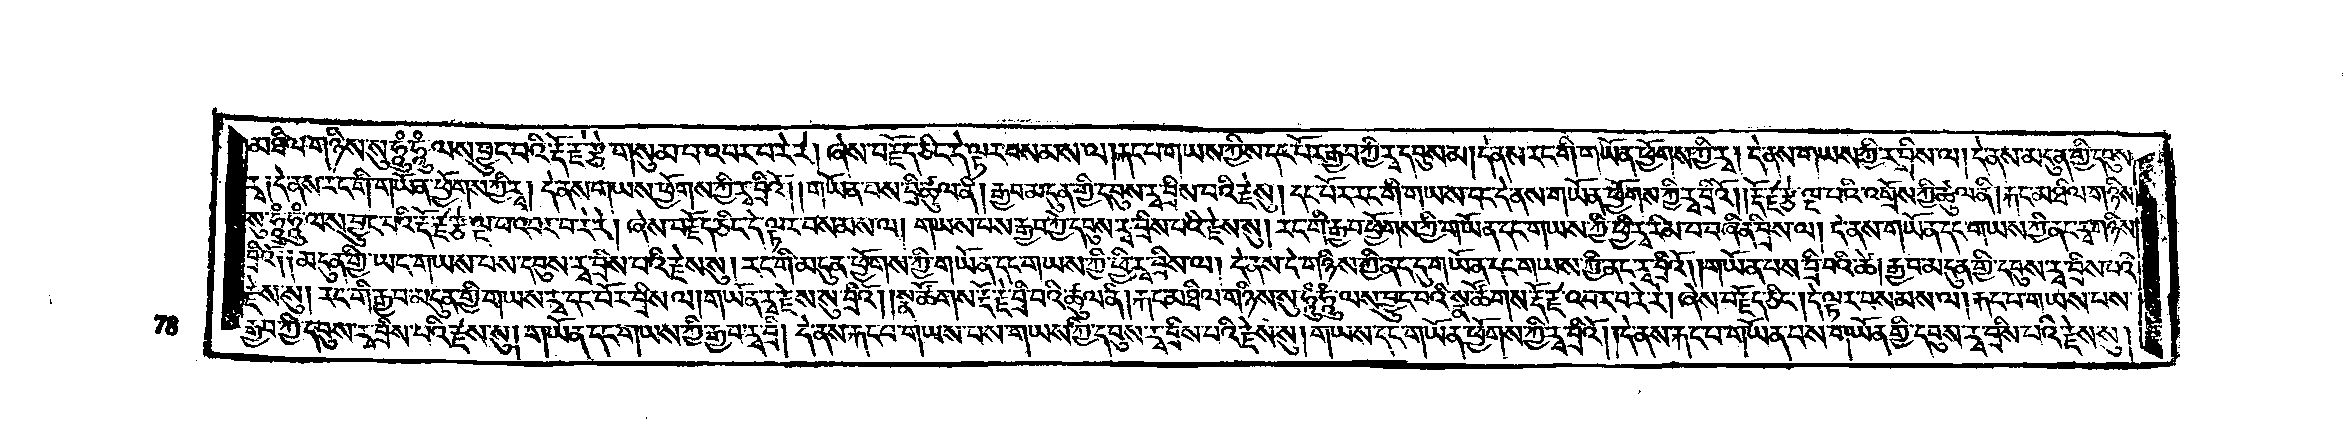མཐིལ་གཉིས་སུ་ཧཱུཾ་ཧཱུཾ་ལས་བྱུང་བའི་རྡོ་རྗེ་རྩེ་གསུམ་པ་འབར་བ་རེ་རེ། ཞེས་བརྗོད་ཅིང་དེ་ལྟར་བསམས་ལ། རྐང་པ་གཡས་ཀྱིས་དང་པོར་རྒྱབ་ཀྱི་རྭ་དབུས་མ། དེ་ནས་རང་གི་གཡོན་ཕྱོགས་ཀྱི་རྭ། དེ་ནས་གཡས་ཀྱི་ར་བྲིས་ལ། དེ་ནས་མདུན་གྱི་དབུས་
རྭ༑ དེ་ནས་རང་གི་གཡོན་ཕྱོགས་ཀྱི་རྭ། དེ་ནས་གཡས་ཕྱོགས་ཀྱི་རྭ་བྲིའོ། །གཡོན་པས་བྲི་ཚུལ་ནི། རྒྱབ་མདུན་གྱི་དབུས་རྭ་བྲིས་པའི་རྗེས་སུ། དང་པོར་རང་གི་གཡས་དང་དེ་ནས་གཡོན་ཕྱོགས་ཀྱི་རྭ་བྲིའོ། །རྡོ་རྗེ་རྩེ་ལྔ་པའི་འགྲོས་ཀྱི་ཚུལ་ནི། རྐང་མཐིལ་གཉིས་
སུ་ཧཱུཾ་ཧཱུཾ་ལས་བྱུང་བའི་རྡོ་རྗེ་རྩེ་ལྔ་པ་འབར་བ་རེ་རེ། ཞེས་བརྗོད་ཅིང་དེ་ལྟར་བསམས་ལ། གཡས་པས་རྒྱབ་ཀྱི་དབུས་རྭ་བྲིས་པའི་རྗེས་སུ། རང་གི་རྒྱབ་ཕྱོགས་ཀྱི་གཡོན་དང་གཡས་ཀྱི་ཕྱི་རྭ་རིམ་པ་བཞིན་བྲིས་ལ། དེ་ནས་གཡོན་དང་གཡས་ཀྱི་ནང་རྭ་གཉིས་
བྲིའོ༑ ༑མདུན་གྱི་ཡང་གཡས་པས་དབུས་རྭ་བྲིས་པའི་རྗེས་སུ། རང་གི་མདུན་ཕྱོགས་ཀྱི་གཡོན་དང་གཡས་ཀྱི་ཕྱི་རྭ་བྲིས་ལ། དེ་ནས་དེ་གཉིས་ཀྱི་ནང་དུ་གཡོན་དང་གཡས་ཀྱི་ནང་རྭ་བྲིའོ། །གཡོན་པས་བྲི་བའི་ཚེ། རྒྱབ་མདུན་གྱི་དབུས་རྭ་བྲིས་པའི་
རྗེས་སུ། རང་གི་རྒྱབ་མདུན་གྱི་གཡས་རྭ་དང་པོར་བྲིས་ལ། གཡོན་རྭ་རྗེས་སུ་བྲིའོ། །སྣ་ཚོགས་རྡོ་རྗེ་བྲི་བའི་ཚུལ་ནི། རྐང་མཐིལ་གཉིས་སུ་ཧཱུཾ་ཧཱུཾ་ལས་བྱུང་བའི་སྣ་ཚོགས་རྡོ་རྗེ་འབར་བ་རེ་རེ། ཞེས་བརྗོད་ཅིང་། དེ་ལྟར་བསམས་ལ། རྐང་པ་གཡས་པས་
རྒྱབ་ཀྱི་དབུས་རྭ་བྲིས་པའི་རྗེས་སུ། གཡོན་དང་གཡས་ཀྱི་རྒྱབ་རྭ་བྲི། དེ་ནས་རྐང་པ་གཡས་པས་གཡས་ཀྱི་དབུས་རྭ་བྲིས་པའི་རྗེས་སུ། གཡས་དང་གཡོན་ཕྱོགས་ཀྱི་རྭ་བྲིའོ། །དེ་ནས་རྐང་པ་གཡོན་པས་གཡོན་གྱི་དབུས་རྭ་བྲིས་པའི་རྗེས་སུ།